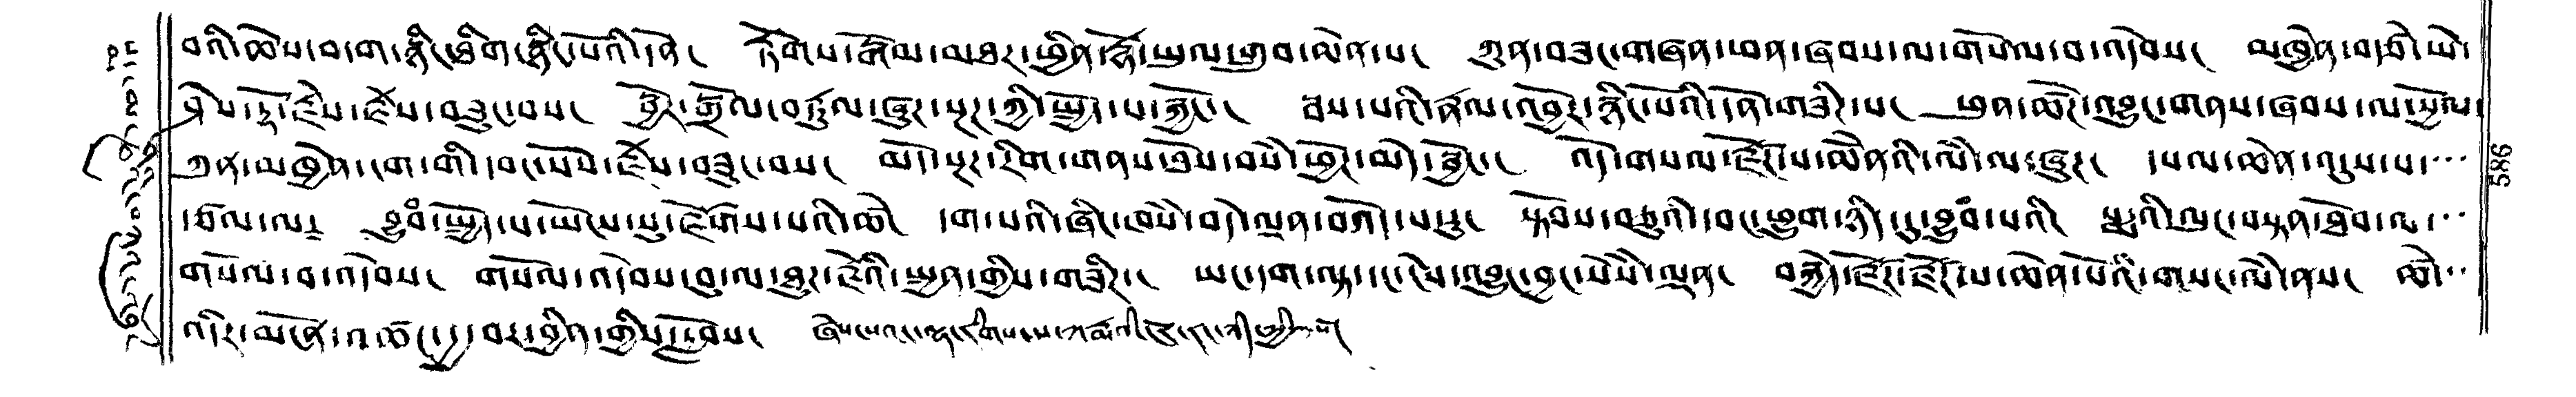བའི་ཆོས་བདག་སྙིང་ཐིག་སྙིང་པོའི་དོན། །རྟོགས་སྒོམ་མཐར་ཕྱིན་རྡོ་ཡུལ་གྲུབ་ཆེན་པ། ཀུན་བཟང་གཞན་ཕན་ཞབས་ལ༴ མཁྱེན་བརྩེ་ཡེ་
ཤེས་རྡོ་རྗེས་རྗེས་བཟུང་བས། །སྦྱོར་སྒྲོལ་བརྟུལ་ཞུགས་སྔགས་ཀྱི་སྤྱོད་པ་སྐྱོང་། །སྦས་པའི་རྣལ་འབྱོར་སྙིང་པོའི་དོན་གཟིགས་པ། །ཕུན་ཚོགས་འབྱུང་གནས་ཞབས་ལ་གསོལ༴ 
ཀུན་མཁྱེན་ངག་གི་དབང་པོས་རྗེས་བཟུང་བས། མདོ་སྔགས་རིག་གནས་ཐོས་བསམ་ཕྱོགས་མེད་འབྱོངས། །འོད་གསལ་རྫོགས་པ་ཆེན་པོའི་ལམ་ལ་ཞུགས། དཔལ་ཆེན་འདུས་པ་
རྩལ་ལ༴ བྱང་ཆུབ་སྤྱོད་པ་ཡོངས་སུ་རྫོགས་པའི་ཚེ། །དག་པའི་ཞིང་ཁམས་བདེ་ལྡན་བཀོད་པ་རུ། །སྟོབས་བཅུའི་དབང་ཕྱུག་ཉིད་དུ་བྱང་ཆུབ་པའི། །པདྨའི་ལུང་བསྟན་ཐོབ་ལ་
གསོལ་བ་འདེབས། །གསོལ་འདེབས་བུ་ལ་ཐུགས་རྗེའི་སྤྱན་གྱིས་གཟིགས། །ཡང་དག་ལྟ་དང་ངེས་འབྱུང་བྱང་སེམས་ལྡན།བསྐྱེད་རྫོགས་རྫོགས་པ་ཆེན་པོའི་གསང་ལམ་ནས། །ཚེ་
འདིར་མངོན་འཚང་རྒྱ་བར་བྱིན་གྱིས་རློབས། །ཞེས་པའང་ལྷ་རིགས་པ་ཀརྨའི་ངོར་རང་ཉིད་ཀྱིས་སོ།།